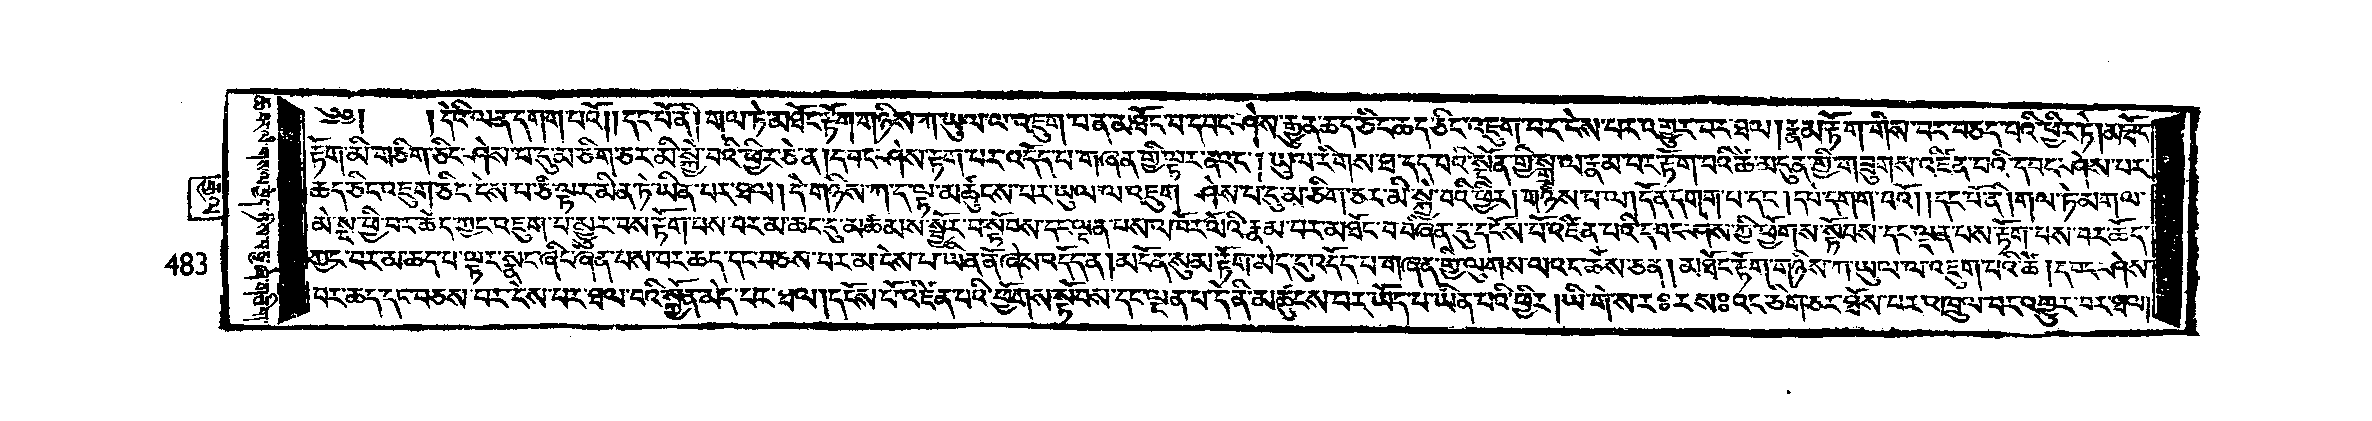༄༅། །དེའི་ལན་དགག་པའོ། །དང་པོ་ནི། གལ་ཏེ་མཐོང་རྟོག་གཉིས་ཀ་ཡུལ་ལ་འཇུག་པ་ན་མཐོང་བ་དབང་ཤེས་རྒྱུན་ཆད་ཅིང་ཆད་ཅིང་འཇུག་པར་ངེས་པར་འགྱུར་བར་ཐལ། རྣམ་རྟོག་གིས་བར་བཅད་པའི་ཕྱིར་ཏེ། མཐོང་
རྟོག་མི་གཅིག་ཅིང་ཤེས་པ་དུ་མ་ཅིག་ཅར་མི་སྐྱེ་བའི་ཕྱིར་ཅེ་ན། དབང་ཤེས་རྟག་པར་འདོད་པ་གཞན་གྱི་ལྟར་ནའང་། ཡུལ་རིགས་ཐ་དད་པའི་སྔོན་གྱི་སྒྲ་ལ་རྣམ་པར་རྟོག་པའི་ཚེ་མདུན་གྱི་གཟུགས་འཛིན་པའི་དབང་ཤེས་པར་
ཆད་ཅིང་འཇུག་ཅིང་ངེས་པ་ཅི་ལྟར་མིན་ཏེ་ཡིན་པར་ཐལ། དེ་གཉིས་ཀ་ད་ལྟ་མཚུངས་པར་ཡུལ་ལ་འཇུག་ཤེས་པ་དུ་མ་ཅིག་ཅར་མི་སྐྱེ་བའི་ཕྱིར། གཉིས་པ་ལ། དོན་དགག་པ་དང་། དཔེ་དགག་པའོ། །དང་པོ་ནི། གལ་ཏེ་མགལ་
མེ་སྔ་ཕྱི་བར་ཆེད་ཀྱང་འཇུག་པ་མྱུར་བས་རྟོག་པས་བར་མ་ཆང་དུ་མཚམས་སྦྱོར་བ་སྟོབས་དང་ལྡན་པས་འཁོར་ལོའི་རྣམ་པར་མཐོང་བ་བཞིན་དུ་དངོས་པོ་འཛིན་པའི་དབང་ཤེས་ཀྱི་ཕྱོགས་སྟོབས་དང་ལྡན་པས་རྟོག་པས་བར་ཆོད་
ཀྱང་བར་མ་ཆད་པ་ལྟར་སྣང་ཞིང་ཞེན་པས་བར་ཆད་དང་བཅས་པར་མ་ངེས་པ་ཡིན་ནོ་ཞས་འདོད་ན། མངོན་སུམ་རྟོག་མེད་དུ་འདོད་པ་གཞན་གྱི་ལུགས་ལའང་ཆོས་ཅན། མཐོང་རྟོག་གཉིས་ཀ་ཡུལ་ལ་འཇུག་པའི་ཚེ། དབང་ཤེས་
བར་ཆད་དང་བཅས་པར་ངེས་པར་ཐལ་བའི་སྐྱོན་མེད་པར་ཐལ། དངོས་པོ་འཛིན་པའི་ཕྱོགས་སྟོབས་དང་ལྡན་པ་དེ་ནི་མཚུངས་པར་ཡོད་པ་ཡིན་པའི་ཕྱིར། ཡི་གེ་ས་རཿ འང་ཅིག་ཅར་ཐོས་པར་འཁྲུལ་བར་འགྱུར་བར་ཐལ།